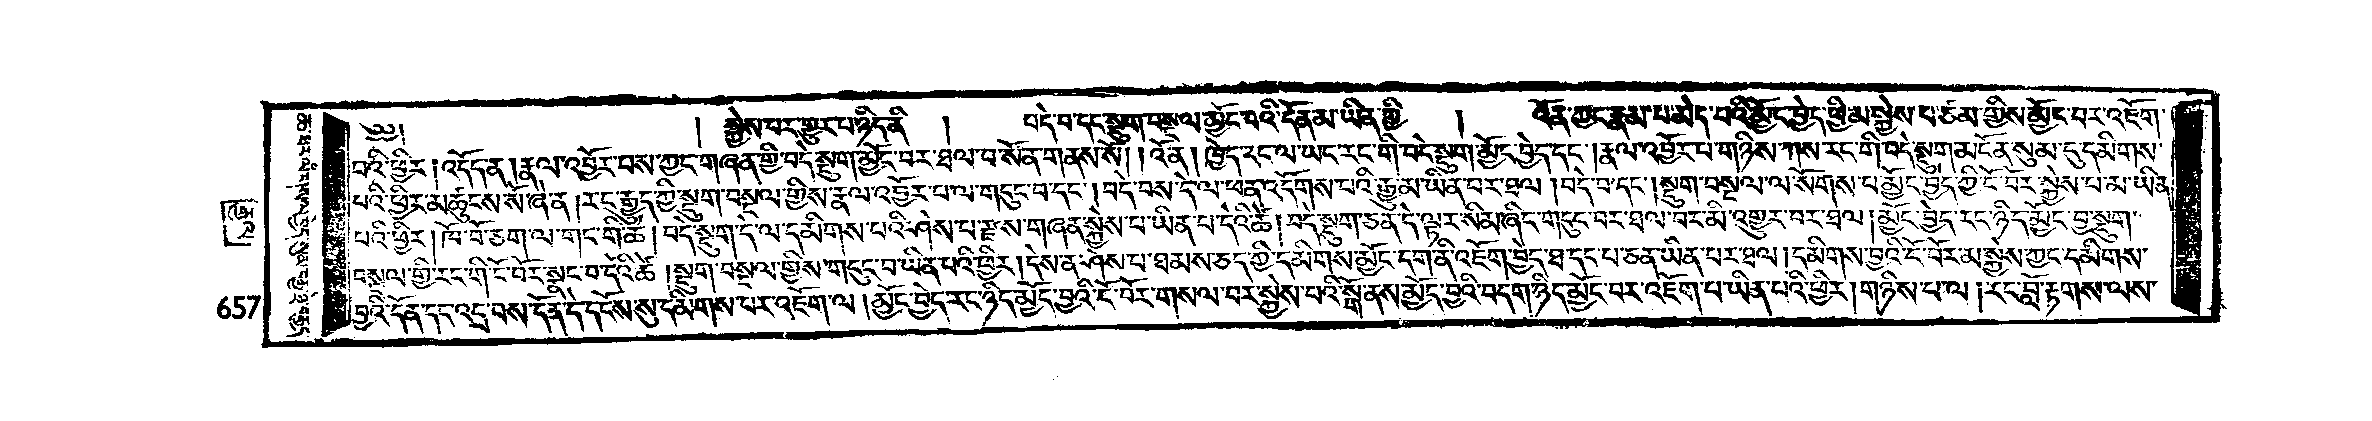༄༅། །སྐྱེས་པར་གྱུར་པ་ཉིད་ནི། བདེ་བ་དང་སྡུག་བསྔལ་མྱོང་བའི་དོན་མ་ཡིན་གྱི་། འོན་ཀྱང་རྣམ་པ་མེད་པའི་མྱོང་བྱེད་ཕྱི་མ་སྐྱེས་པ་ཙམ་གྱིས་མྱོང་བར་འཇོག་
པའི་ཕྱིར། འདོད་ན། རྣལ་འབྱོར་པས་ཀྱང་གཞན་གྱི་བདེ་སྡུག་མྱོང་བར་ཐལ་བ་སོ་ན་གནས་སོ། །འོ་ན། ཁྱེད་རང་ལ་ཡང་རང་གི་བདེ་སྡུག་མྱོང་བྱེད་དང་། རྣལ་འབྱོར་པ་གཉིས་ཀས་རང་གི་བདེ་སྡུག་མངོན་སུམ་དུ་དམིགས་
པའི་ཕྱིར་མཚུངས་སོ་ཞེ་ན། རང་རྒྱུད་ཀྱི་སྡུག་བསྔལ་གྱིས་རྣལ་འབྱོར་པ་ལ་གདུང་བ་དང་། བདེ་བས་དེ་ལ་ཕན་འདོགས་པའི་རྒྱུ་མ་ཡིན་པར་ཐལ། བདེ་བ་དང་། སྡུག་བསྔལ་ལ་སོགས་པ་མྱོང་བྱེད་ཀྱི་ངོ་བོར་སྐྱེས་པ་མ་ཡིན་
པའི་ཕྱིར། ཁོ་བོ་ཅག་ལ་གང་གི་ཚེ། བདེ་སྡུག་དེ་ལ་དམིགས་པའི་ཤེས་པ་རྫས་གཞན་སྐྱེས་པ་ཡིན་པ་དེའི་ཚེ། བདེ་སྡུག་ཅན་དེ་ལྟར་སིམ་ཞིང་གདུང་བར་ཐལ་བར་མི་འགྱུར་བར་ཐལ། མྱོང་བྱེད་རང་ཉིད་མྱོང་བྱ་སྡུག་
བསྔལ་གྱི་རང་གི་ངོ་བོར་སྣང་བ་དེའི་ཚེ། སྡུག་བསྔལ་གྱིས་གདུང་བ་ཡིན་པའི་ཕྱིར། དེས་ན་ཤེས་པ་ཐམས་ཅད་ཀྱི་དམིགས་མྱོང་དག་ནི་འཇོག་བྱེད་ཐ་དད་པ་ཅན་ཡིན་པར་ཐལ། དམིགས་བྱའི་ངོ་བོར་མ་སྐྱེས་ཀྱང་དམིགས་
བྱའི་དོན་དང་འདྲ་བས་དོན་དེ་དངོས་སུ་དམིགས་པར་འཇོག་ལ། མྱོང་བྱེད་རང་ཉིད་མྱོང་བྱའི་ངོ་བོར་གསལ་བར་སྐྱེས་པའི་སྒོ་ནས་མྱོང་བྱའི་བདག་ཉིད་མྱོང་བར་འཇོག་པ་ཡིན་པའི་ཕྱིར། གཉིས་པ་ལ། རང་བློ་རྟགས་ལས་